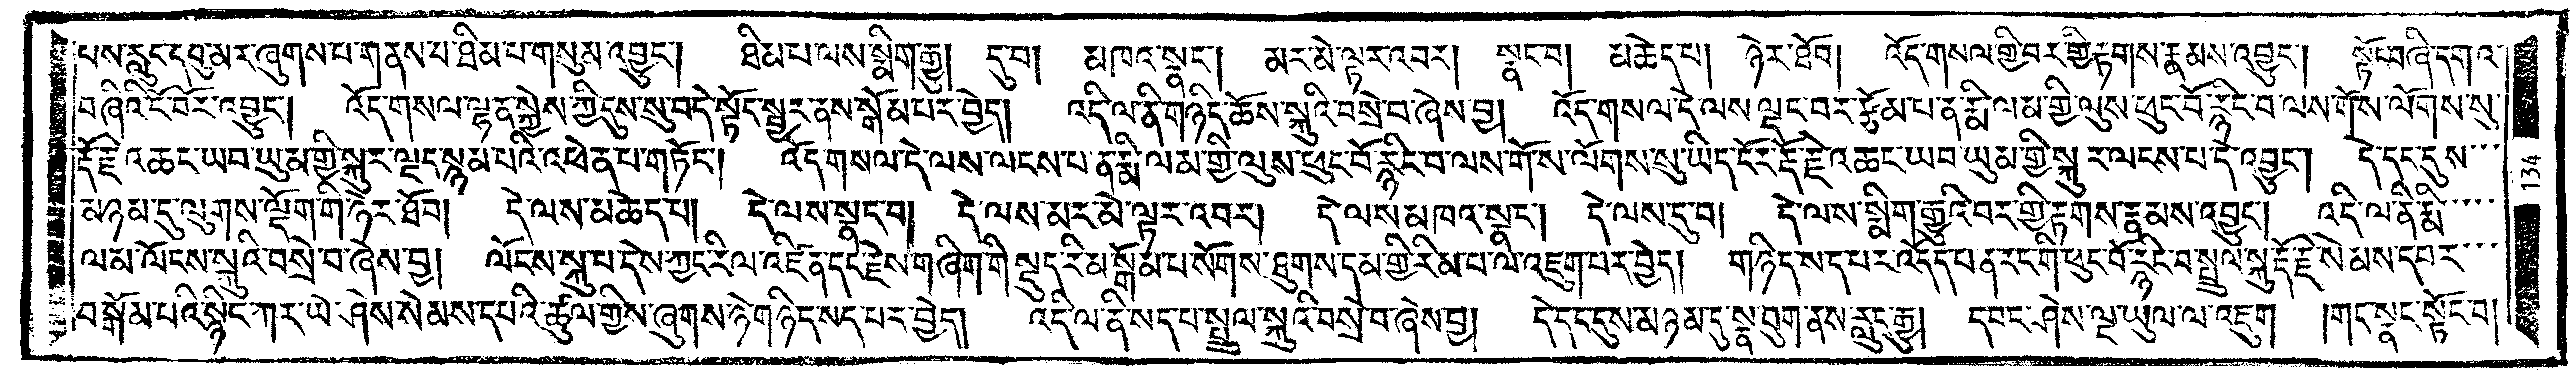པས་རླུང་དབུ་མར་ཞུགས་པ་གནས་པ་ཐིམ་པ་གསུམ་འབྱུང་། ཐིམ་པ་ལས་སྨིག་རྒྱུ། དུ་བ། མཁའ་སྣང་། མར་མེ་ལྟར་འབར། སྣང་བ། མཆེད་པ། ཉེར་ཐོབ། འོད་གསལ་གྱི་བར་གྱི་རྟགས་རྣམས་འབྱུང་། སྟོང་བཞི་དགའ་
བཞིའི་ངོ་བོར་འབྱུང་། འོད་གསལ་ལྷན་སྐྱེས་ཀྱི་དུས་སུ་བདེ་སྟོང་སྦྱར་ནས་སྒོམ་པར་བྱེད། འདི་ལ་ནི་གཉིད་ཆོས་སྐུའི་བསྲེ་བ་ཞེས་བྱ། འོད་གསལ་དེ་ལས་ལྡང་བར་རྩོམ་པ་ན་རྨི་ལམ་གྱི་ལུས་ཕུང་བོ་རྙིང་བ་ལས་གོས་ལོགས་སུ་
རྡོ་རྗེ་འཆང་ཡབ་ཡུམ་གྱི་སྐུར་ལྡང་སྙམ་པའི་འཕེན་པ་གཏོང་། འོད་གསལ་དེ་ལས་ལངས་པ་ན་རྨི་ལམ་གྱི་ལུས་ཕུང་པོ་རྙིང་བ་ལས་གོས་ལོགས་སུ་ཡིད་ངོར་རྡོ་རྗེ་འཆང་ཡབ་ཡུམ་གྱི་སྐུར་ལངས་པ་དེ་འབྱུང་། དེ་དང་དུས་
མཉམ་དུ་ལུགས་ལྡོག་གི་ཉེར་ཐོབ། དེ་ལས་མཆེད་པ། དེ་ལས་སྣང་བ། དེ་ལས་མར་མེ་ལྟར་འབར། དེ་ལས་མཁའ་སྣང་། དེ་ལས་དུ་བ། དེ་ལས་སྨིག་རྒྱུའི་བར་གྱི་རྟགས་རྣམས་འབྱུང་། འདི་ལ་ནི་རྨི་
ལམ་ལོངས་སྐུའི་བསྲེ་བ་ཞེས་བྱ། ལོངས་སྐུ་པ་དེས་ཀྱང་རིལ་འཛིན་དང་རྗེས་གཞིག་གི་སྡུད་རིམ་སྒོམ་པ་སོགས་ཐུགས་དམ་གྱི་རིམ་པ་ལ་འཇུག་པར་བྱེད། གཉིད་སད་པར་འདོད་པ་ན་རང་གི་ཕུང་བོ་རྙིང་བ་སྤྲུལ་སྐུ་རྡོ་རྗེ་སེམས་དཔར་
བསྒོམ་པའི་སྙིང་ཀར་ཡེ་ཤེས་སེམས་དཔའི་ཚུལ་གྱིས་ཞུགས་ཉེ་གཉིད་སད་པར་བྱེད། འདི་ལ་ནི་སད་པ་སྤྲུལ་སྐུའི་བསྲེ་བ་ཞེས་བྱ། དེ་དང་དུས་མཉམ་དུ་སྣ་བུག་ནས་རླུང་རྒྱུ། དབང་ཤེས་ལྔ་ཡུལ་ལ་འཇུག །གང་སྣང་སྟོང་བ།